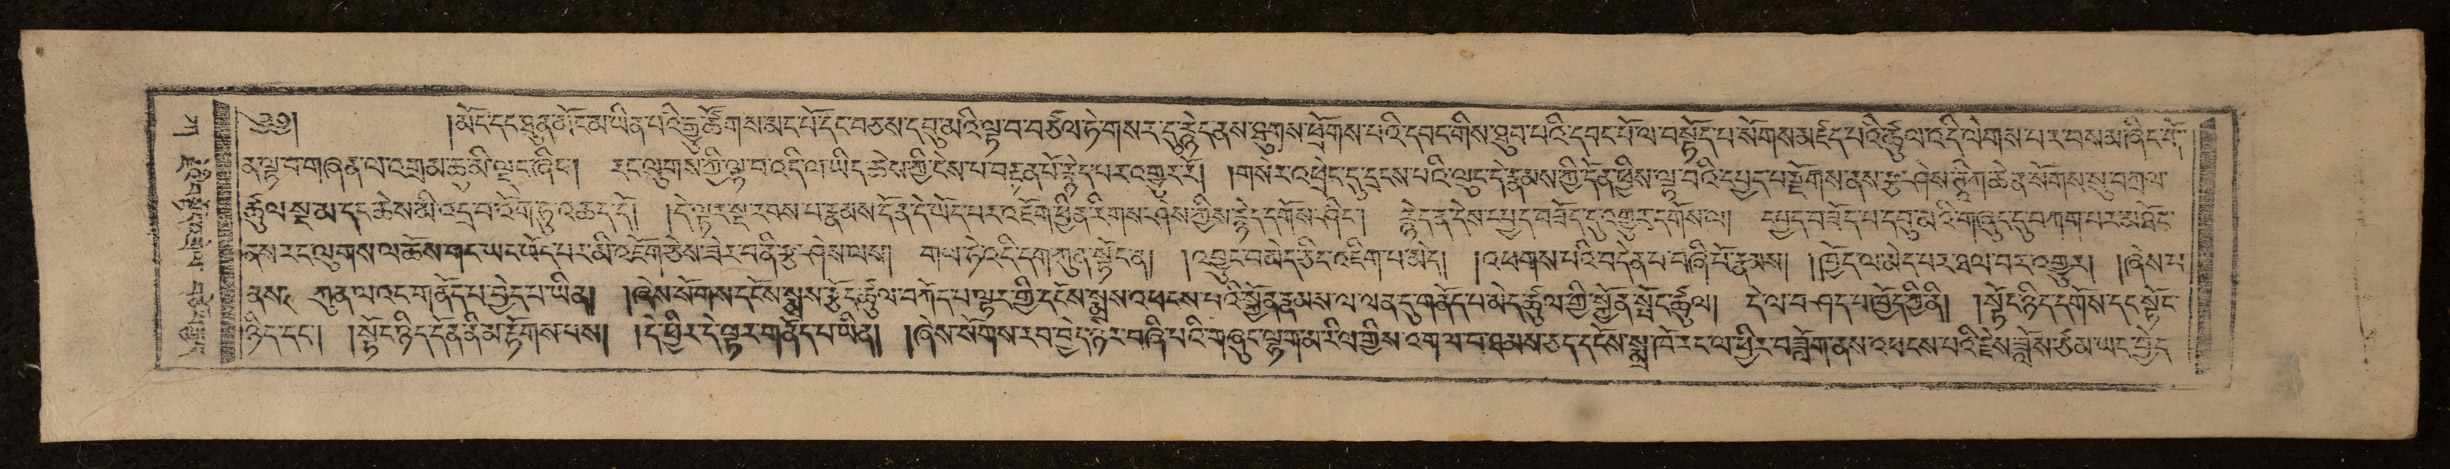༄༅། །མོང་དང་ཐུན་མོང་མ་ཡིན་པའི་རྒྱུ་ཚོགས་མང་པོ་དང་བཅས་དབུ་མའི་ལྟ་བ་བཙལ་ཏེ་གསར་དུ་རྙེད་ནས་ཐུགས་ཕྲོགས་པའི་དངག་གིས་ཐུབ་པའི་དབང་པོ་ལ་བསྟོད་པ་སོགས་མཛད་པའི་ཚུལ་འདི་ལེགས་པར་བསམ་ཞིང་གོ་
ན་ལྟ་བ་གཞན་ལ་འགྲམ་ཆུ་མི་ལྡང་ཞིང་། རང་ལུགས་ཀྱི་ལྟ་བ་འདི་ལ་ཡིད་ཆེས་ཀྱི་ངེས་པ་བརྟན་པོ་རྙེད་པར་འགྱུར་རོ། །གསེར་འཕྲེང་དུ་བླངས་པའི་ལུང་དེ་རྣམས་ཀྱི་དོན་ཕྱིས་ལྟ་བའི་དཔྱད་པ་རྫོགས་ནས་རྩ་ཤེས་ཊཱིཀ་ཆེན་སོགས་སུ་བཀྲལ་
ཚུལ་སྔ་མ་དང་ཆོས་མི་འདྲ་བ་འོག་ཏུ་འཆད་དོ། །དེ་ལྟར་སྔ་རབས་པ་རྣམས་དོན་དེ་ཡོད་པར་འཐོག་ཕྱིན་རིགས་ཤེས་ཀྱིས་རྙེད་དགོས་ཤིང་། རྙེད་ན་དེས་དཔྱད་བཟོད་དུ་འགྱུར་དགོས་ལ། དཔྱད་བཟོད་པ་དབུ་མའི་གཞུང་དུ་བཀག་པར་མཐོང་
ནས་རང་ལུགས་ལ་ཆོས་གང་ལང་ཡོད་པར་མི་འཇོག་ཅེས་ཟེར་བ་ནི་རྩ་ཤེས་ལས། གལ་ཏེ་འདི་དག་ཀུན་སྟོང་ན། །འབྱུང་བ་མེད་ཅིང་འཇིག་པ་མེད། །འཕགས་པའི་བདེན་པ་བཞི་པོ་རྣམས། །ཁྱོད་ལ་མེད་པར་ཐལ་བར་འགྱུར། །ཞེས་པ་
ནུས༑ ཀུན་ལའང་གནོད་པ་བྱེད་པ་ཡིན། །ཞེས་སོགས་དངོས་སྨྲས་རྩོད་ཚུལ་བཀོད་པ་ལྟར་གྱི་དངོས་སྨྲས་འཕངས་པའི་སྐྱོན་རྣམས་ལ་ལན་དུ་གནོད་པ་མེད་ཚུལ་གྱི་སྐྱོན་སྤོང་ཚུལ། དེ་ལ་བཤད་པ་ཁྱོད་ཀྱི་ནི། །སྟོང་ཉིད་དགོས་དང་སྟོང་
ཉིད་དང་། །སྟོང་ཉིད་དོན་ནི་མ་རྟོགས་པས། །དེ་ཕྱིར་དེ་ལྟར་གནོད་པ་ཡིན། །ཞེས་སོགས་རབ་བྱེད་ཉེར་བཞི་པའི་གཞུང་ལྷག་མ་རིལ་གྱིས་འགལ་བ་ཐམས་ཅད་དངོས་སྨྲ་ཁོ་རང་ལ་ཕྱིར་བཟློག་ནས་འཕངས་པའི་རྗེས་ཟློས་ཙམ་ཡང་བྱེད་